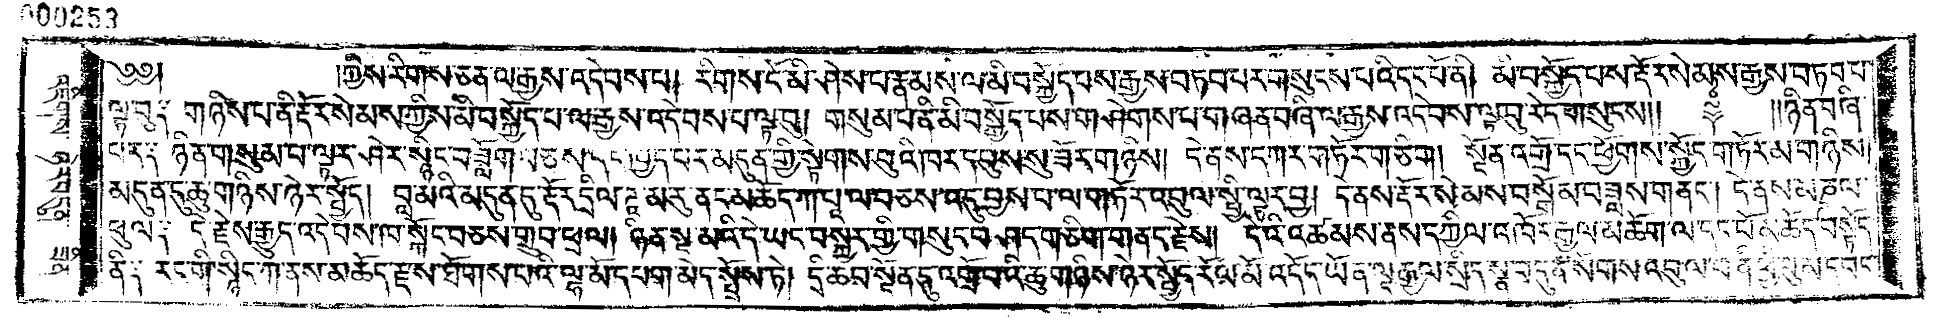༄༅། །ཀྱིས་རིགས་ཅན་ལ་རྒྱས་འདེབས་པ། རིགས་ངོ་མི་ཤེས་པ་རྣམས་ལ་མི་བསྐྱོད་པས་རྒྱས་བཏབ་པར་གསུངས་པའི་དང་པོ་ནི། མི་བསྐྱོད་པས་རྡོར་སེམས་རྒྱས་བཏབ་པ་
ལྟ་བུ། གཉིས་པ་ནི་རྡོར་སེམས་ཀྱིས་མི་བསྐྱོད་པ་ལ་རྒྱས་འདེབས་པ་ལྟ་བུ། གསུམ་པ་ནི་མི་བསྐྱོད་པས་གཤེགས་པ་གཞན་བཞི་ལ་རྒྱས་འདེབས་ལྟ་བུ་རེད་གསུངས།། ༈ །།ཉིན་བཞི་
པར༑ ཉིན་གསུམ་པ་ལྟར་ཤེར་སྙིང་བཟློག་བཅས་དང་ཁྱད་པར་མདུན་གྱི་སྟེགས་བུའི་ཁར་དབུས་སུ་ཟོར་གཉིས། དེ་ནས་དཀར་གཏོར་གཅིག །སྔོན་འགྲོ་དང་ཕྱོགས་སྐྱོང་གཏོར་མ་གཉིས་
མདུན་དུ་ཆུ་གཉིས་ཉེར་སྤྱོད། བླ་མའི་མདུན་དུ་རྡོར་དྲིལ་ཌཱ་མ་རུ་ནང་མཆོད་ཀ་པཱ་ལ་བཅས་འདུ་བྱས་པ་ལ་གཏོར་འབུལ་སྤྱི་ལྟར་བྱ། དེ་ནས་རྡོར་སེམས་བསྒོམ་བཟླས་གནང་། དེ་ནས་མཎྜལ་
ཕུལ༑ དེ་རྗེས་རྒྱུད་འདེབས་ཁ་སྐོང་བཅས་གྲུབ་ཕྲལ། ཉིན་སྔ་མའི་དེ་ཡང་བསྐྱར་གྱི་གསུང་བཤད་གཅིག་གནང་རྗེས། དེའི་འཚམས་ནས་དཀྱིལ་འཁོར་རྒྱལ་མཆོག་ལ་དང་པོ་མཆོད་བསྟོད་
ནི༑ རང་གི་སྙིང་ཀ་ནས་མཆོད་རྫས་ཐོགས་པའི་ལྷ་མོ་དཔག་མེད་སྤྲོས་ཏེ། དྲི་ཆབ་སྔོན་དུ་འགྲོ་བའི་ཆུ་གཉིས་ཉེར་སྤྱོད་རོལ་མོ་འདོད་ཡོན་ལྔ་རྒྱལ་སྲིད་སྣ་བདུན་སོགས་འབུལ་བ་ནི་ཕྱི་བུམ་དབང་